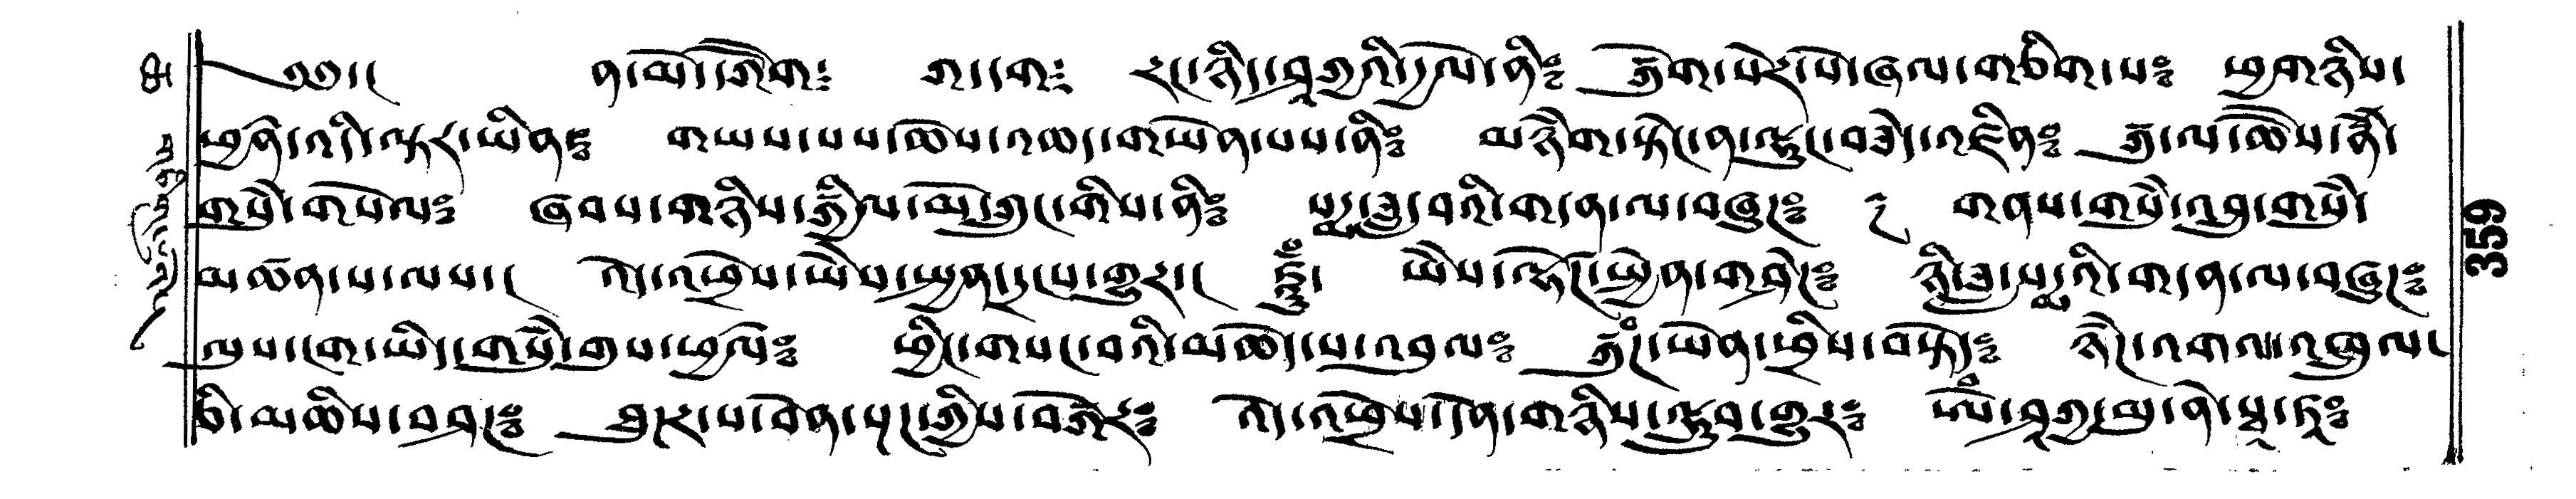༄༅། ན་མོཿདཀོན་མཆོག༴ ཀ་དག༴ རང་ཉིད་ཤཱཀྱའི་རྒྱལ་པོ་ནི༔ སྐུ་མདོག་སེར་པོ་ཞལ་གཅིག་པ༔ ཕྱག་གཉིས་
ཕྱག་མཚན་འདི་ལྟར་ཡིན༔ གཡས་པས་ཆོས་འཆད་གཡོན་པས་ནི༔ མཉམ་བཞག་སྟེང་ན་ལྷུང་བཟེད་འཛིན༔ སྐུ་ལ་ཆོས་གོས་རྣམ་
གསུམ་གསོལ༔ ཞབས་གཉིས་སྐྱིལ་མོ་ཀྲུང་གིས་ནི༔ པདྨ་ཟླ་བའི་གདན་ལ་བཞུགས༔ གནས་གསུམ་འབྲུ་གསུམ་
མཚན་པ་ལས༔ འོད་འཕྲོས་ཡེ་ཤེས་སྤྱན་དྲངས་གྱུར༔ ཧཱུྃ༔ ཡེ་ཤེས་ལྷ་ཚོགས་སྤྱན་འདྲེན་གཤེགས༔ ཉི་ཟླ་པདྨའི་གདན་ལ་བཞུགས༔ 
ལུས་ངག་ཡིད་གསུམ་གུས་ཕྱག་འཚལ༔ ཕྱི་ནང་གསང་བའི་མཆོད་པ་འབུལ༔ སྐུ་གསུང་གཐུགས་ཡོན་ཕྲིན་ལས་བསྟོད༔ ཉམས་ཆགས་འགལ་འཁྲུལ་
ཅི་མཆིས་བཤགས༔ ཐུགས་ཀར་ས་བོན་སྔགས་ཀྱིས་བསྐོར༔ འོད་འཕྲོས་དོན་གཉིས་ལྷུན་གྲུབ་གྱུར༔ ཨོཾ་ཤཱཀྱ་མུ་ནེ་སྭཱ་ཧཱ༔